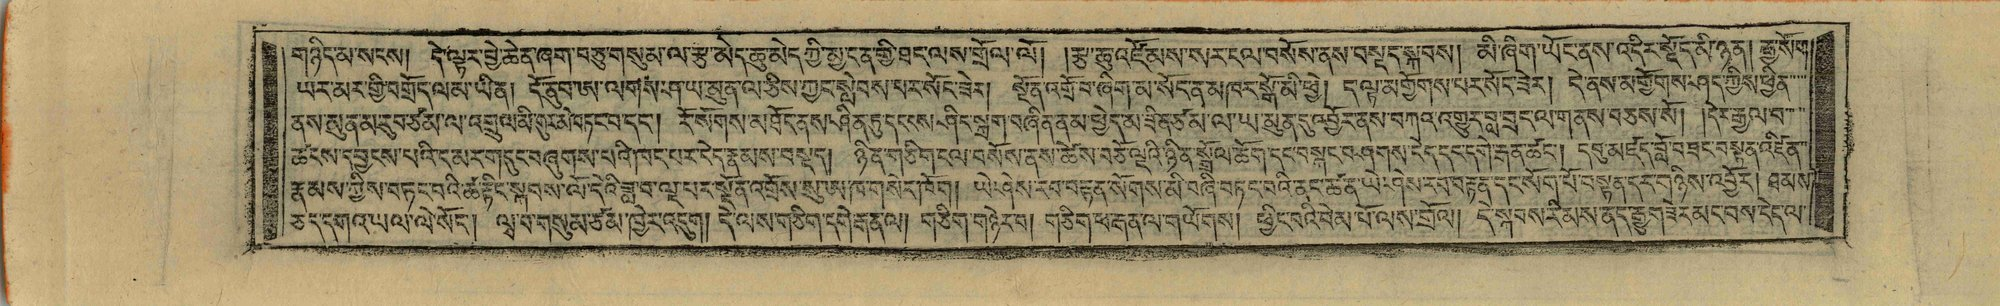གཉིད་མ་སངས། དེ་ལྟར་བྱེ་ཆེན་ཞག་བཅུ་གསུམ་ལ་རྩ་མེད་ཆུ་མེད་ཀྱི་མྱ་ངན་གྱི་ཐང་ལས་གྲོལ་ལོ། །རྩ་ཆུ་འཛོམས་སར་ངལ་བསོས་ནས་བསྡད་སྐབས། མི་ཞིག་ཡོང་ནས་འདིར་སྡོད་མི་ཉན། རྒྱ་སོག་
ཡར་མར་གྱི་བགྲོད་ལམ་ཡིན། དོ་ནུབ་ཨ་ལགས་ཤ་ཡ་མུན་ལ་ཅིས་ཀྱང་སླེབས་པར་སོང་ཟེར། སྔོན་འགྲོ་བ་ཞིག་མ་སོང་ན་མཁར་སྒོ་མི་ཕྱེ། ད་ལྟ་མགྱོགས་པར་སོང་ཟེར། དེ་ནས་མགྱོགས་ཤད་ཀྱིས་ཕྱིན་
ནས་མུན་མ་རུབ་ཙམ་ལ་འགྲུལ་མི་གུར་མེ་བཏང་བ་དང་། རོ་སོགས་མཐོང་ནས་ཤིན་ཏུ་དངངས་ཤིང་སྐྲག་བཞིན་ནམ་ཕྱེད་མ་ཟིན་ཙམ་ལ་ཡ་མུན་དུ་འབྱོར་ནས་བཀའ་འགྱུར་བླ་བྲང་ལ་གནས་བཅས་སོ། །དེར་རྒྱལ་བ་
ཚངས་དབྱངས་པའི་དམར་གདུང་བཞུགས་པའི་ཁང་པར་ངེད་རྣམས་བསྡད། ཉིན་གཅིག་ངལ་བསོས་ནས་ཚེས་བཅོ་ལྔའི་ཉིན་སྒྲོལ་ཆོག་དང་བསྐང་བཤགས་ངེད་དང་དགེ་རྒན་ཚང་། དབུ་མཛད་བློ་བཟང་བསྟན་འཛིན་
རྣམས་ཀྱིས་བཏང་བའི་ཚ་རྟིང་སྐབས་ལོ་དེའི་ཟླ་བ་ལྔ་པར་སྔོན་འགྲོས་སུ་ཨ་ཁ་གསེར་ཁོག །ཡེ་ཤེས་རབ་བརྟན་སོགས་མི་བཞི་བཏང་བའི་ནང་ཚན་ཡེ་ཤེས་རབ་བརྟན་དང་སོག་པོ་བསྟན་དར་གཉིས་འབྱོར། ཐམས་
ཅད་དགའ་ཡལ་ལེ་སོང་། ཝྭ་བ་གསུམ་ཙམ་ཁྱེར་འདུག །དེ་ལས་གཅིག་དགེ་རྒན་ལ། གཅིག་གཉེར་བ། གཅིག་ཕ་རྒན་ལ་གཡོགས། ཕྱིང་བའི་བེམ་པོ་ལས་གྲོལ། དེ་སྐབས་རིམས་ནད་རྒྱུ་གཟེར་མང་བས་ངེད་ལ་